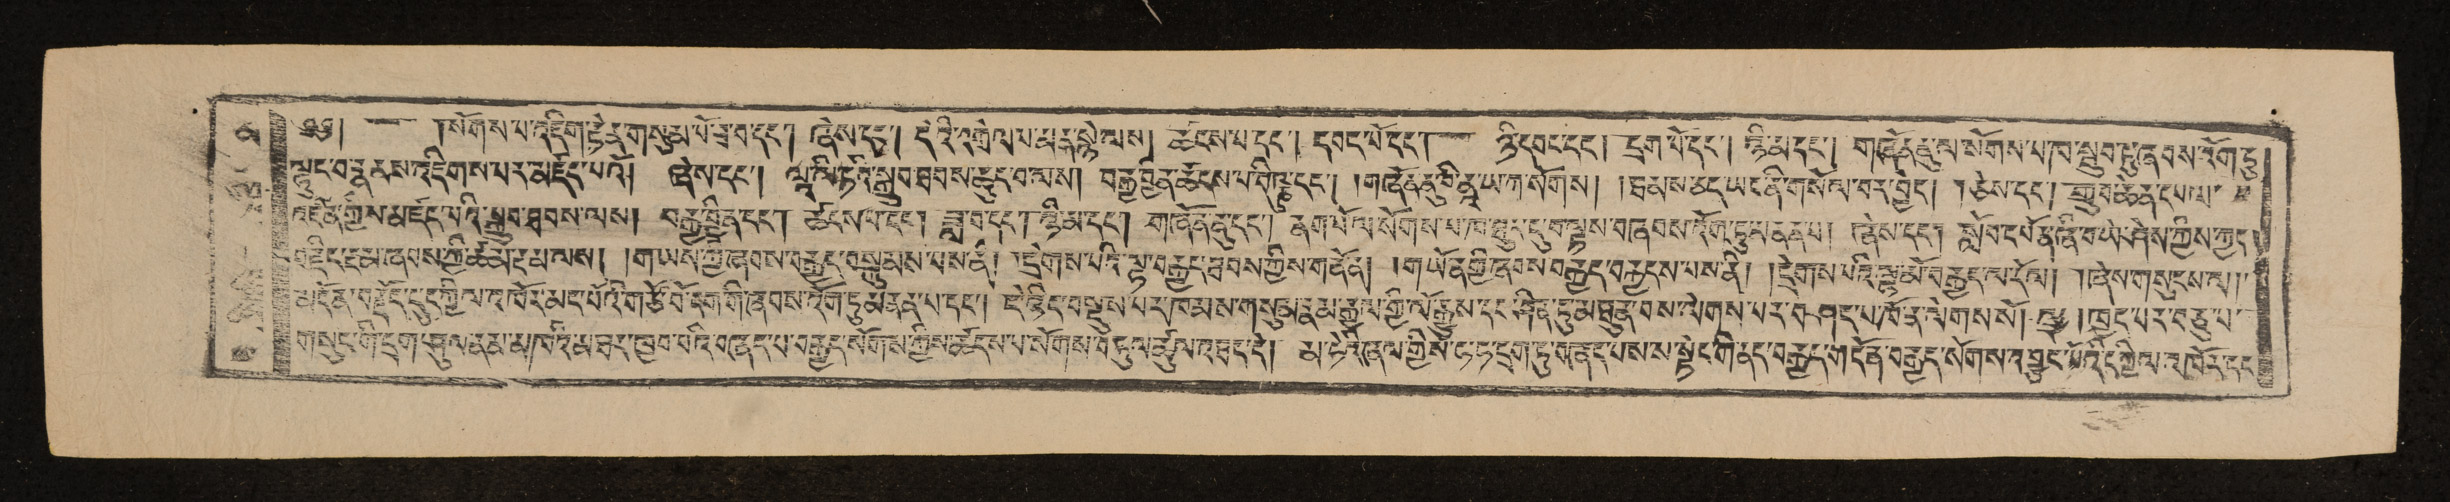༄༅། །སོགས་པ་འཇིག་རྟེན་གསུམ་པོ་ཟ་བ་དང་། ཞེས་དང་། དེའི་འགྲེལ་པ་མན་སྙེ་ལས། ཚངས་པ་དང་། དབང་པོ་དང་། ཉེ་དབང་དང་། དྲག་པོ་དང་། ཉི་མ་དང་། གཞོན་ནུ་ལ་སོགས་པ་ཁ་སྦུབ་ཏུ་ཞབས་འོག་ཏུ་
ལྷུང་བ་རྣམས་འཇིགས་པར་མཛད་པའོ། །ཞེས་དང་། ལཱ་ལི་ཏའི་སྒྲུབ་ཐབས་ཆུང་བ་ལས། བརྒྱ་བྱིན་ཚངས་པ་བིཥྞུ་དང་། །གཞོན་ནུ་བི་ནཱ་ཡ་ཀ་སོགས། །ཐམས་ཅད་ཡང་ནི་གསོལ་བར་བྱེད། །ཅེས་དང་། གྲུབ་ཆེན་དཔལ་
འཛིན་གྱིས་མཛད་པའི་སྒྲུབ་ཐབས་ལས། བརྒྱ་བྱིན་དང་། ཚངས་པ་དང་། ཟླ་བ་དང་། ཉི་མ་དང་། གཞོན་ནུ་དང་། ནག་པོ་ལ་སོགས་པ་ཁ་ཐུར་དུ་བལྟས་པ་ཞབས་འོག་ཏུ་མནན་པ། ཞེས་དང་། སློབ་དཔོན་ཞི་བ་ཡེ་ཤེས་ཀྱིས་ཀྱང་།
བརྗིད་རྔམ་ཞབས་ཀྱི་ཚམ་རྔམ་ལས། །གཡས་ཀྱི་ཞབས་བརྒྱད་བསྐུམས་པས་ནི། །དྲེགས་པའི་ལྷ་བརྒྱད་ཐབས་ཀྱིས་གནོན། །གཡོན་གྱི་ཞབས་བརྒྱད་བརྐྱངས་པས་ནི། །དྲེགས་པའི་ལྷ་མོ་བརྒྱད་ལ་རོལ། །ཞེས་གསུངས་ལ།
མངོན་བརྗོད་དུ་དཀྱིལ་འཁོར་མང་པོའི་གཙོ་བོ་དག་གི་ཞབས་འོག་ཏུ་མནན་པ་དང་། དེ་ཉིད་བསྡུས་པར་ཁམས་གསུམ་རྣམ་རྒྱལ་གྱི་ལོ་རྒྱུས་དང་ཤིན་ཏུ་མཐུན་པས་ལེགས་པར་བཤད་པ་ཁོ་ན་ལེགས་སོ། ༈ །ཁྱད་པར་བཅུ་པ་
གསུང་གི་དྲག་ཤུལ་ནམ་མཁའི་མཐར་ཁྱབ་པའི་བཞད་པ་བརྒྱད་སོགས་ཀྱིས་ཚངས་པ་སོགས་བཏུལ་ཚུལ་འཐད་དེ། མ་ཧེའི་ཞལ་གྱིས་ཧ་ཧ་དྲག་ཏུ་བཞད་པས་ས་སྟེང་གི་ནད་བརྒྱད་གདོན་བརྒྱད་སོགས་འབྱུང་པོའི་དཀྱིལ་འཁོར་དང་